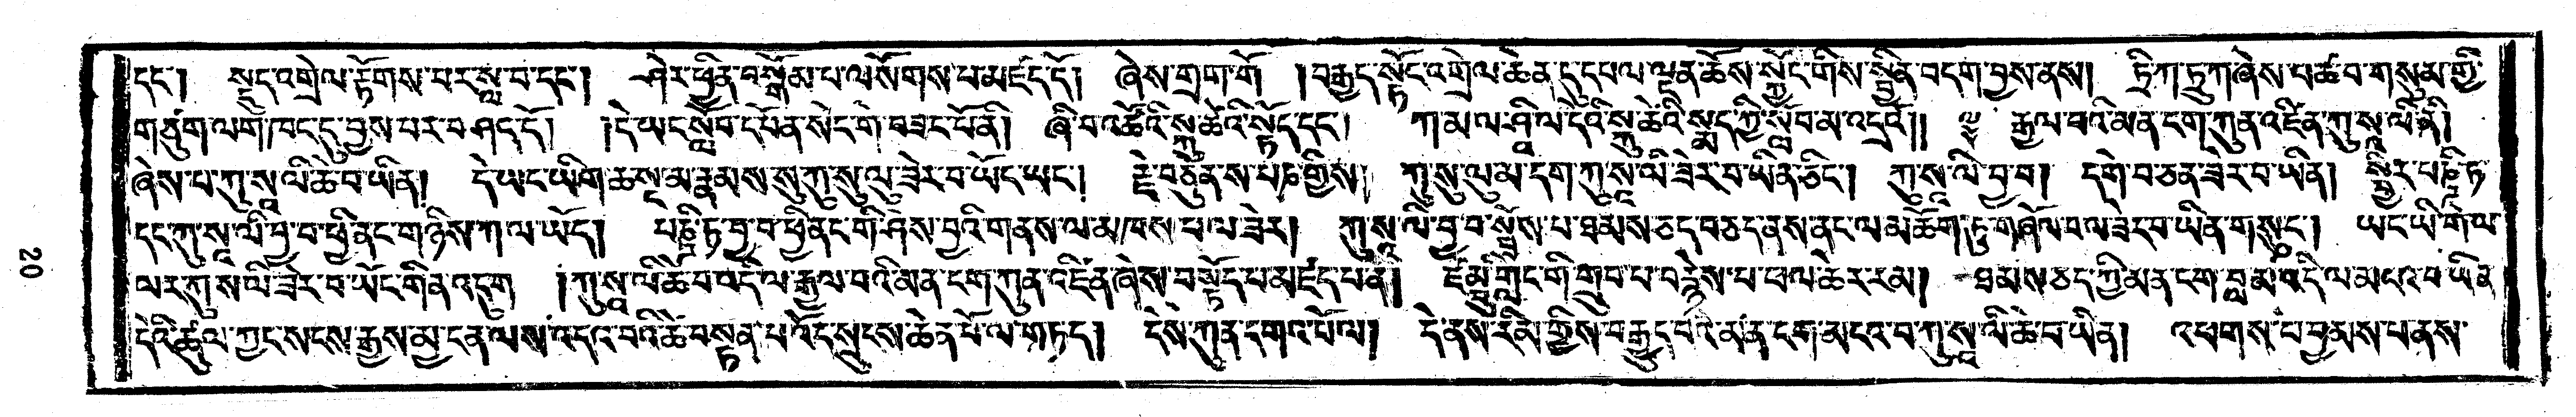དང་། སྡུད་འགྲེལ་རྟོགས་པར་སླ་བ་དང་། ཤེར་ཕྱིན་བསྒོམ་པ་ལ་སོགས་པ་མཛད་དོ། །ཞེས་གྲག་གོ །བརྒྱད་སྟོང་འགྲེལ་ཆེན་དུ་དཔལ་ལྡན་ཆོས་སྐྱོང་གིས་སྦྱིན་བདག་བྱས་ནས། ཏྲི་ཀ་ཏྲུ་ཀ་ཞེས་པ་ཚ་བ་གསུམ་གྱི་
གཙུག་ལག་ཁང་དུ་བྱས་པར་བཤད་དོ། །དེ་ཡང་སློབ་དཔོན་སེང་གེ་བཟང་པོ་ནི། ཞི་བ་འཚོའི་སྐུ་ཚེའི་སྟོད་དང་། ཀ་མ་ལ་ཤཱི་ལ་དེའི་སྐུ་ཚེའི་སྨད་ཀྱི་སློབ་མ་འདྲའོ།། ༈ རྒྱལ་བའི་མན་ངག་ཀུན་འཛིན་ཀུ་སཱ་ལི་ནི།
ཞེས་པ་ཀུ་སཱ་ལི་ཆེ་བ་ཡིན། དེ་ཡང་ཡིག་ཆ་སྔ་མ་རྣམས་སུ་ཀུ་སུ་ལུ་ཟེར་བ་ཡོད་ཡང་། རྗེ་བཙུན་ས་པཎ་གྱིས། ཀུ་སུ་ལུ་མ་དག་ཀུ་སཱ་ལི་ཟེར་བ་ཡིན་ཅིང་། ཀུ་སཱ་ལི་བྱ་བ། དགེ་བ་ཅན་ཟེར་བ་ཡིན། སྦྱིར་པཎྜི་ཏ་
དང་ཀུ་སཱ་ལི་བྱ་བ་ཕྱི་ནང་གཉིས་ཀ་ལ་ཡོད། པཎྜི་ཏ་བྱ་བ་ཕྱི་ནང་གི་ཤེས་བྱའི་གནས་ལ་མཁས་པ་ལ་ཟེར། ཀུ་སཱ་ལི་བྱ་བ་སྤྲོས་པ་ཐམས་ཅད་བཅད་ནས་ནང་ལ་མཆོག་ཏུ་གཞོལ་བ་ལ་ཟེར་བ་ཡིན་གསུང་། ཡང་ཡི་གེ་ལ་
ལར་ཀུ་ས་ལི་ཟེར་བ་ཡོང་གིན་འདུག །ཀུ་སཱ་ལི་ཏེ་བ་བདེ་ལ་རྒྱལ་བའི་མན་ངག་ཀུན་འཛིན་ཞེས་བསྟོད་པ་མཛད་པ་ན། ད་མྦུ་གླིང་གི་གྲུབ་པ་བརྙེས་པ་ཕལ་ཆེར་རམ། ཐམས་ཅད་ཀྱི་མན་གནག་བླ་མ་འདི་ལ་མངའ་བ་ཡིན་
དེའི་ཚུལ་ཀྱང་སངས་རྒྱས་མྱ་ངན་ལས་འདའ་བའི་ཚེ་བསྟན་པ་འོད་སྲུངས་ཆེན་པོ་ལ་གཏད། དེས་ཀུན་དགའ་པོ་ལ། དེ་ནས་རིམ་གྱིས་བརྒྱུད་པའི་མན་ངག་མངའ་བ་ཀུ་སཱ་ལི་ཆེ་བ་ཡིན། འཕགས་པ་བྱམས་པ་ནས་